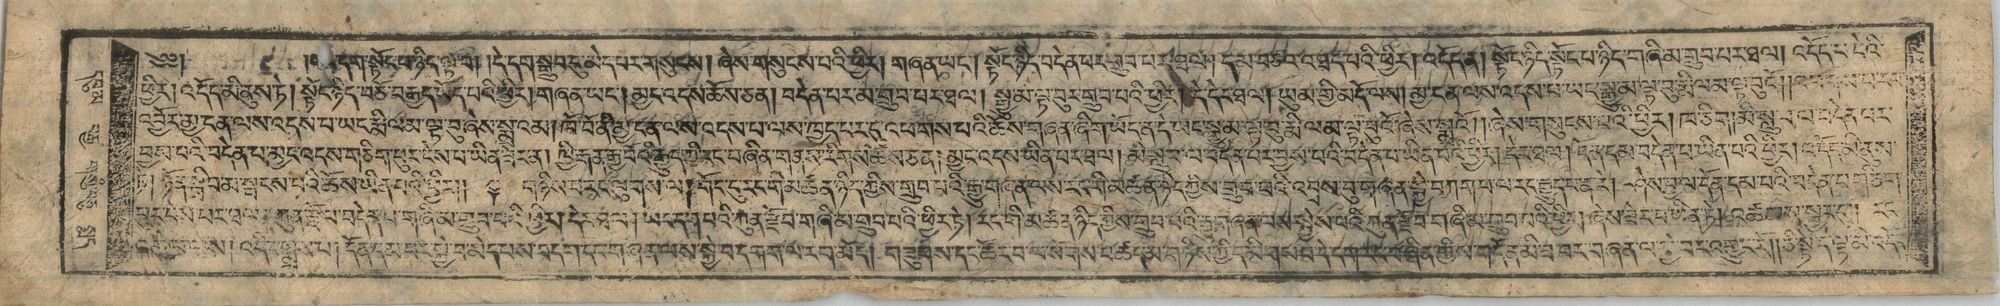༄༅། །གང་དག་སྟོང་པ་ཉིད་ལྟ་བ། །དེ་དག་སྒྲུབ་དུ་མེད་པར་གསུངས། ཞེས་གསུངས་པའི་ཕྱིར། གཞན་ཡང་། སྟོང་ཉིད་བདེན་པར་གྲུབ་པར་ཐལ། དམ་བཅའ་འཐད་པའི་ཕྱིར། འདོད་ན། སྟོང་ཉིད་སྟོང་པ་ཉིད་གཞི་མ་གྲུབ་པར་ཐལ། འདོད་པ་དེའི་
ཕྱིར། འདོད་མི་ནུས་ཏེ། སྟོང་ཉིད་བཅོ་བརྒྱད་ཡོད་པའི་ཕྱིར། གཞན་ཡང་། མྱང་འདས་ཆོས་ཅན། བདེན་པར་མ་གྲུབ་པར་ཐལ། སྒྱུར་མ་ལྟ་བུར་གྲུབ་པའི་ཕྱིར། དེ་དེར་ཐལ། ཡུམ་གྱི་མདོ་ལས། མྱ་ངན་ལས་འདས་པ་ཡང་སྒྱུ་མ་ལྟ་བུ་རྨི་ལམ་ལྟ་བུའོ། །འཕགས་པ་རབ་
འབྱོར་མྱ་ངན་ལས་འདས་པ་ཡང་རྨི་ལམ་ལྟ་བུ་ཞེས་སྨྲ་འམ། ཁོ་བོ་ནི་མྱ་ངན་ལས་འདས་པ་ལས་ཁྱད་པར་དུ་འཕགས་པའི་ཆོས་གཞན་ཞིག་ཡོད་ན་དེ་ཡང་སྒྱུ་མ་ལྟ་བུ་རྨི་ལམ་ལྟ་བུའོ་ཞེས་སྨྲའོ། །ཞེས་གསུངས་པའི་ཕྱིར། ཁ་ཅིག། མི་སླུ་བ་ལ་བདེན་པར་
བྱས་པའི་བདེན་པ་མྱང་འདས་གཅིག་པུར་ངེས་པ་ཡིན་ཟེར་ན། ཁྱི་རྒན་རྒྱ་བོའི་རྒྱུད་ཀྱི་རང་བཞིན་གནས་རིགས་ཆོས་ཅན། མྱང་འདས་ཡིན་པར་ཐལ། མི་སླུ་བ་ལ་བདེན་པར་བྱས་པའི་བདེན་པ་ཡིན་པའི་ཕྱིར། དེར་ཐལ། དོན་དམ་བདེན་པ་ཡིན་པའི་ཕྱིར། འདོད་མི་ནུས་
ཏེ། ཉོན་སྒྲིབ་མ་སྤངས་པའི་ཆོས་ཡིན་པའི་ཕྱིར།། ༈ གཉིས་པ་རང་ལུགས་ལ། གོང་དུ་རང་གི་མཚན་ཉིད་ཀྱིས་གྲུབ་པའི་རྒྱུ་གཞན་ལས་རང་གི་མཚན་ཉིད་ཀྱིས་གྲུབ་པའི་འབྲས་བུ་གཞན་སྐྱེ་བཀག་པ་ལ་རང་རྒྱུད་པ་ན་རེ། ཤེས་བྱ་ལ་དོན་དམ་པའི་བདེན་པ་གཅིག་
པུར་ངེས་པར་ཐལ། ཀུན་རྫོབ་བདེན་པ་གཞི་མ་གྲུབ་པའི་ཕྱིར། དེར་ཐལ། ཡང་དག་པའི་ཀུན་རྫོབ་གཞི་མ་གྲུབ་པའི་ཕྱིར་ཏེ། རང་གི་མཚན་ཉིད་ཀྱིས་གྲུབ་པའི་རྒྱུ་གཞན་ལས་སྐྱེས་པའི་ཀུན་རྫོབ་གཞི་མ་གྲུབ་པའི་ཕྱིར། ཞེས་ཟེར་བ་ཡིན་ཏེ། འཚམས་སྦྱར་དུ།། རང་
འགྲེལ་ལས། འདིར་སྨྲས་པ། དོན་དམ་པར་སྐྱེ་བ་མེད་པས་བདག་དང་གཞན་ལས་སྐྱེ་བ་དགག་ལ་རག་མོད། གཟུགས་དང་ཚོར་བ་ལ་སོགས་པ་ཚད་མ་གཉིས་ཀྱི་དམིགས་པ་དེ་དག་རང་བཞིན་གྱིས་གདོན་མི་ཟ་བར་གཞན་ལ་སྐྱེ་བར་འགྱུར་རོ། །ཅི་སྟེ་དེ་ལྟ་མི་འདོད་